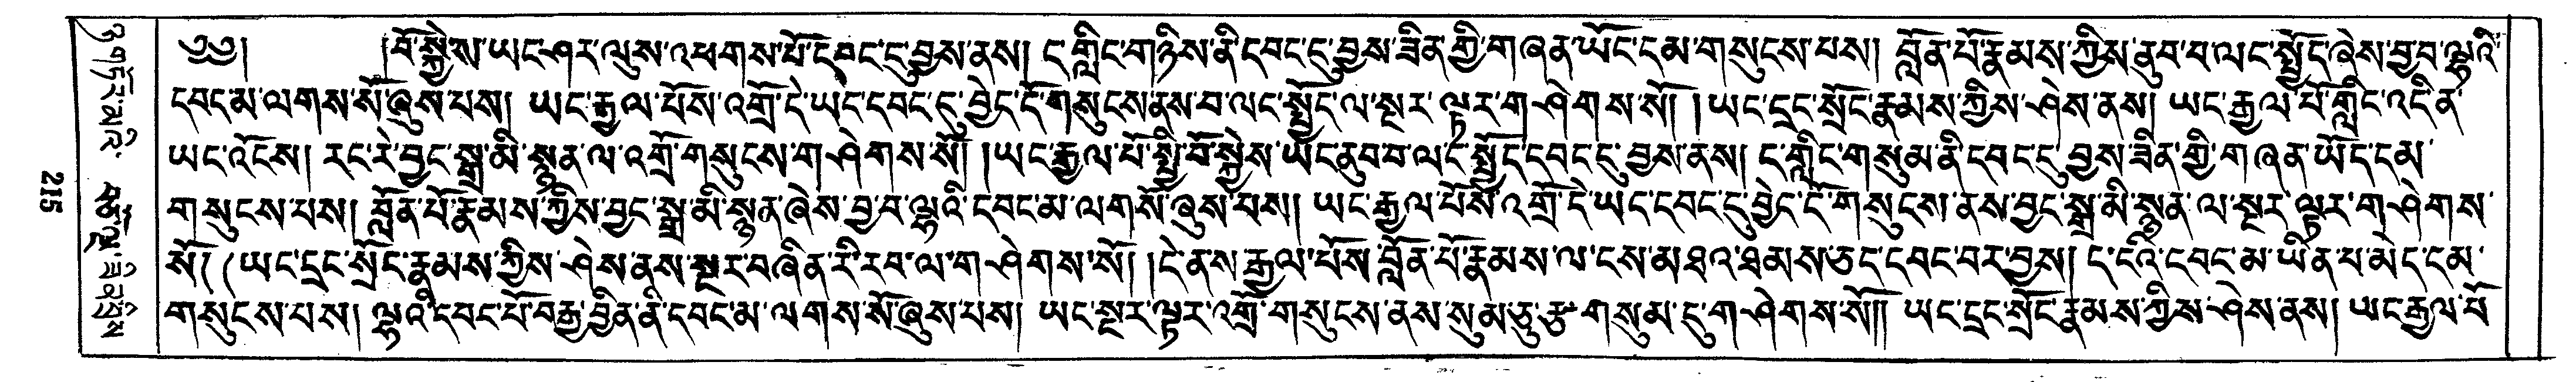༄༅། །བོ་སྐྱེས་ཡང་ཤར་ལུས་འཕགས་པོ་དབང་དུ་བྱས་ནས། ང་གླིང་གཉིས་ནི་དབང་དུ་བྱས་ཟིན་གྱི་གཞན་ཡོད་དམ་གསུངས་པས། བློན་པོ་རྣམས་ཀྱིས་ནུབ་བ་ལང་སྤྱོད་ཞེས་བྱ་བ་ལྷའི་
དབང་མ་ལགས་སོ་ཞུས་བས། ཡང་རྒྱལ་པོས་འགྲོ་དེ་ཡང་དབང་དུ་བྱེད་དོ་གསུངས་ནས་བ་ལང་སྤྱོད་ལ་སྔར་ལྟར་གཤེགས་སོ། །ཡང་དྲང་སྲོང་རྣམས་ཀྱིས་ཤེས་ནས། ཡང་རྒྱལ་པོ་གླིང་འདི་ན་
ཡང་འོངས། རང་རེ་བྱང་སྒྲ་མི་སྙན་ལ་འགྲོ་གསུངས་གཤེགས་སོ། །ཡང་རྒྱལ་པོ་སྤྱི་བོ་སྐྱེས་ཡང་ནུབ་བ་ལང་སྤྱོད་དབང་དུ་བྱས་ནས། ང་གླིང་གསུམ་ནི་དབང་དུ་བྱས་ཟིན་གྱི་གཞན་ཡོད་ངམ་
གསུངས་པས། བློན་པོ་རྣམས་ཀྱིས་བྱང་སྒྲ་མི་སྙན་ཞེས་བྱ་བ་ལྷའི་དབང་མ་ལགས་སོ་ཞུས་བས། ཡང་རྒྱལ་པོས་འགྲོ་དེ་ཡང་དབང་དུ་བྱེད་དོ་གསུངས་ནས་བྱང་སྒྲ་མི་སྙན་ལ་སྔར་ལྟར་གཤེགས་
སོ༑ ༑ཡང་དྲང་སྲོང་རྣམས་ཀྱིས་ཤེས་ནས་སྔར་བཞིན་རི་རབ་ལ་གཤེགས་སོ། །དེ་ནས་རྒྱལ་པོས་བློན་པོ་རྣམས་ལ་ངས་མཐའ་ཐམས་ཅད་དབང་བར་བྱས། ད་ངའི་དབང་མ་ཡིན་བ་མེད་དམ་
གསུངས་པས། ལྷའི་དབང་པོ་བརྒྱ་བྱིན་ནི་དབང་མ་ལགས་སོ་ཞུས་པས། ཡང་སྔར་ལྟར་འགྲོ་གསུངས་ནས་སུམ་ཅུ་རྩ་གསུམ་དུ་གཤེགས་སོ། །ཡང་དྲང་སྲོང་རྣམས་ཀྱིས་ཤེས་ནས། ཡང་རྒྱལ་པོ།